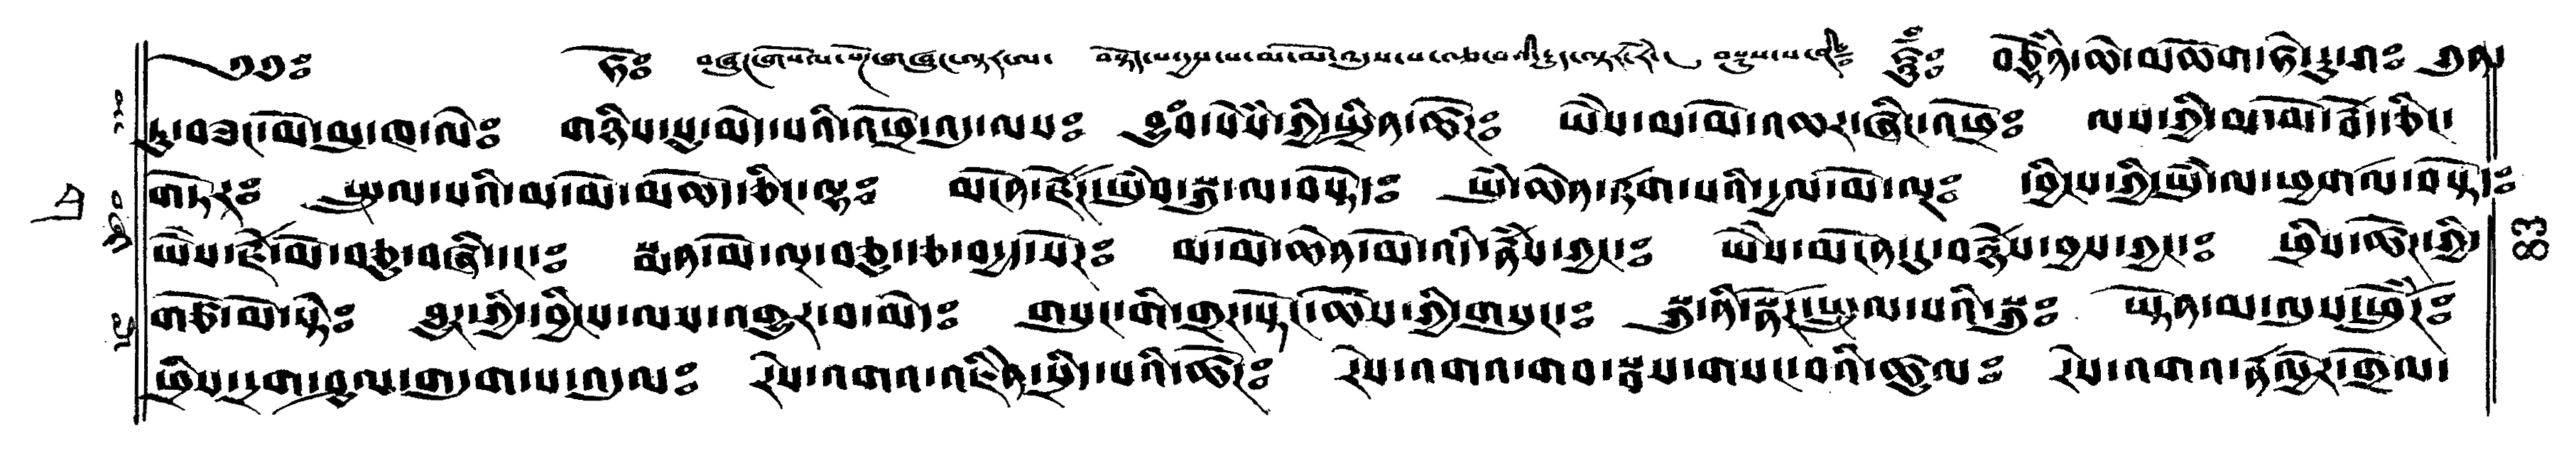ཧོཿ བཞུགས་གསོལ་སོགས་གཞུང་ལྟར་ལ། བསྟོད་པ་རྒྱས་པ་མ་མོ་འདུས་པ་རྩ་བའི་རྒྱུད་ལྟར་རམ། བསྡུས་པ་ནི། ཧཱུྃཿ བཅོམ་ལྡན་ཆེ་མཆོག་ཧེ་རུ་ཀཿ ཀུན་
ཏུ་བཟང་མོ་མུ་ཁ་ལེཿ གཉིས་སུ་མེད་པའི་འཕྲོ་འདུ་ལསཿ བྱང་ཆུབ་སེམས་ཀྱི་སྤྲིན་ཆེན་ཚོགསཿ ཡེ་ཤེས་མ་མོ་འཆར་ཞིང་འཕྲོཿ ལས་ཀྱི་མ་མོ་རྦོད་ཅིང་
གཏོང་ཿ སྤྲུལ་པའི་མ་མོ་མཆོད་ཅིང་ལྷཿ མངོན་རྫོགས་ཡབ་ཡུམ་སྐུ་ལ་བསྟོདཿ ཡུམ་ཆེན་རྟག་པའི་རྒྱལ་མོ་ལྔཿ དབྱིངས་ཀྱི་ཡུམ་ལ་ཕྱག་འཚལ་བསྟོདཿ 
ཡེ་ཤེས་རྗེ་མོ་བཅུ་བཞི་དང་ཿ སྨན་མོ་ལྔ་བཅུ་རྩ་བརྒྱད་སོགསཿ མ་མོ་ཆེན་མོ་འདི་རྣམས་ཀྱིསཿ ཡེ་ཤེས་མངོན་དུ་བརྙེས་བྱས་ཀྱང་ཿ ཕྲིན་ལས་ཚོགས་ཀྱི་
གཙོ་མོ་སྟེཿ ཐུགས་ཀྱི་དབྱིངས་ལས་འགྱུར་བ་མེདཿ གསུང་གི་གྲགས་སྟོང་ཆོས་ཀྱི་གསུང་ཿ སྐུ་ནི་སྣ་ཚོགས་སྤྲུལ་པའི་སྐུཿ ཡོན་ཏན་མ་ལུས་ཕུན་སུམ་ཚོགས༔ 
ཕྲིན་ལས་དྲག་ཤུལ་གདུག་པ་འདུལཿ རེས་འགའ་འཇིག་རྟེན་སྲིད་པའི་ཚོགསཿ རེས་འགའ་གབ་སྦས་གསང་བའི་ཚུལཿ རེས་འགའ་རྣལ་འབྱོར་གྲོགས་